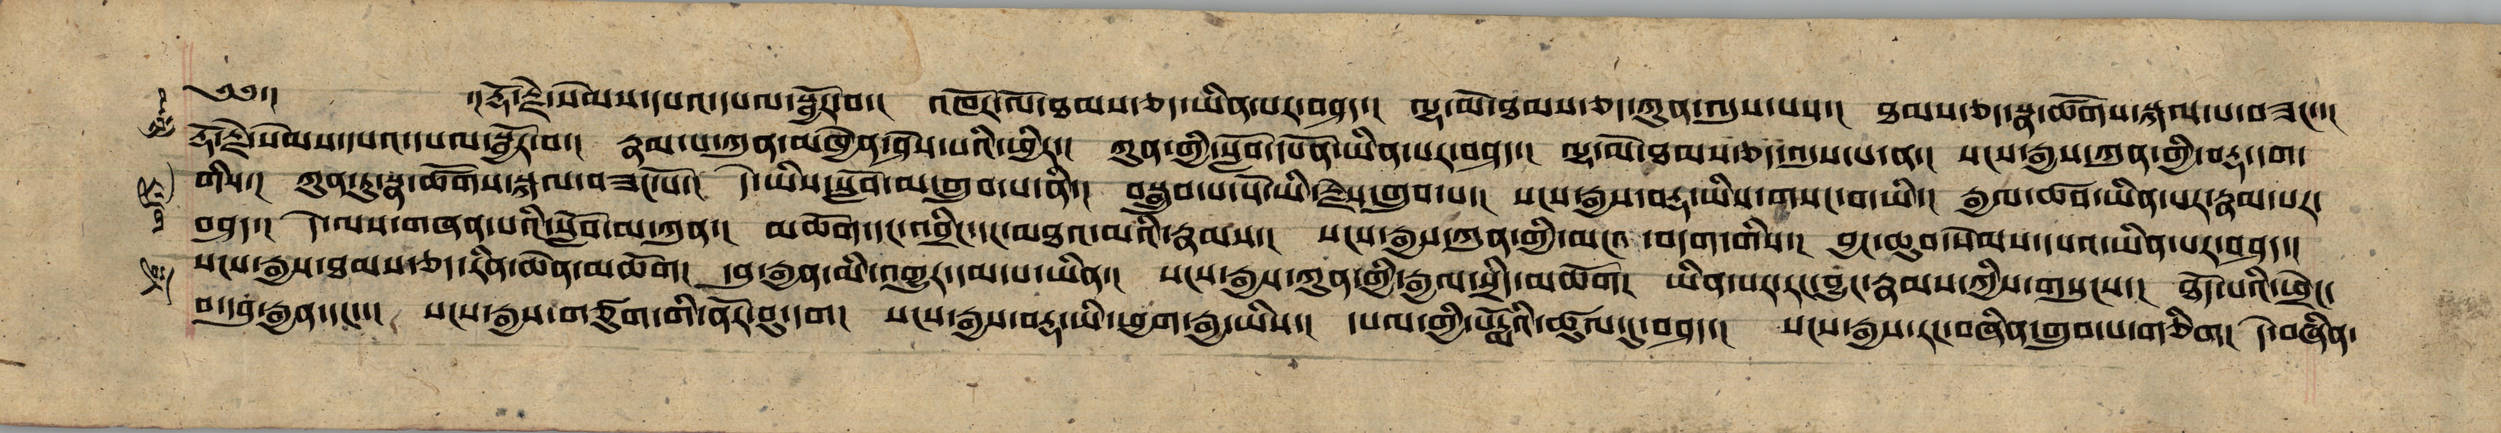༄༅་། ་།རྡོ་རྗེ་སེམས་དཔའ་དཔལ་སྦྱོར་བ་། འཁོར་ལོ་ཐམས་ཅད་ཡིན་པར་བཤད་། ལྷ་མོ་ཐམས་ཅད་ཀུན་འདུས་པས་། ཐམས་ཅད་སྣ་ཚོགས་སྐལ་པ་བཟང་་།།
རྡོ་རྗེ་སེམས་དཔའ་དཔལ་སྦྱོར་བ་། རྣམ་པ་ཀུན་མཁྱེན་ཤེས་པའི་ཕྱིར་། ཀུན་གྱི་སློབ་དཔོན་ཡིན་པར་བཤད་། ལྷ་མོ་ཐམས་ཅད་འདུས་པ་ན་། སངས་རྒྱས་ཀུན་གྱི་བརྡ་དག་
གིས་། ཀུན་ཏུ་སྣ་ཚོགས་སྐལ་བཟང་པོ་། དེ་ཡིས་སློབ་མ་གྲུབ་པ་ནི་། བསྒྲུབ་པ་པོ་ཡི་རྗེས་གྲུབ་པ་། སངས་རྒྱས་བརྡ་ཡིས་གསང་བ་ཡི་། རྒྱལ་ཚབ་ཡིན་པར་རྣམ་པར་
བཤད་། དེ་ལས་གཞན་པའི་སློབ་མ་ཀུན་། མཆོག་དང་འབྲིང་དང་མཐའ་མའི་རྣམས་། སངས་རྒྱས་ཀུན་གྱི་མངའ་བདག་གིས་། བྱང་ཆུབ་སེམས་དཔའ་ཡིན་པར་བཤད་།
སངས་རྒྱས་ཐམས་ཅད་རིན་ཆེན་མཆོག། དབུ་རྒྱན་མི་འགྱུར་དམ་པ་ཡིན་། སངས་རྒྱས་ཀུན་གྱི་རྒྱལ་སྲིད་མཆོག། ཡིན་པར་རང་བྱུང་རྣམས་ཀྱིས་གསུངས་། ཐོད་པའི་ཕྲེང་
བ་དབུ་རྒྱན་དང་་། སངས་རྒྱས་གཙུག་གི་ནོར་བུ་དག། སངས་རྒྱས་བརྡ་ཡི་ཕྱག་རྒྱ་ཡིས་། དཔལ་གྱི་པདྨོའི་ཚུལ་དུ་བཤད་། སངས་རྒྱས་རང་བཞིན་གྲུབ་པ་གཅིག། དེ་བཞིན་